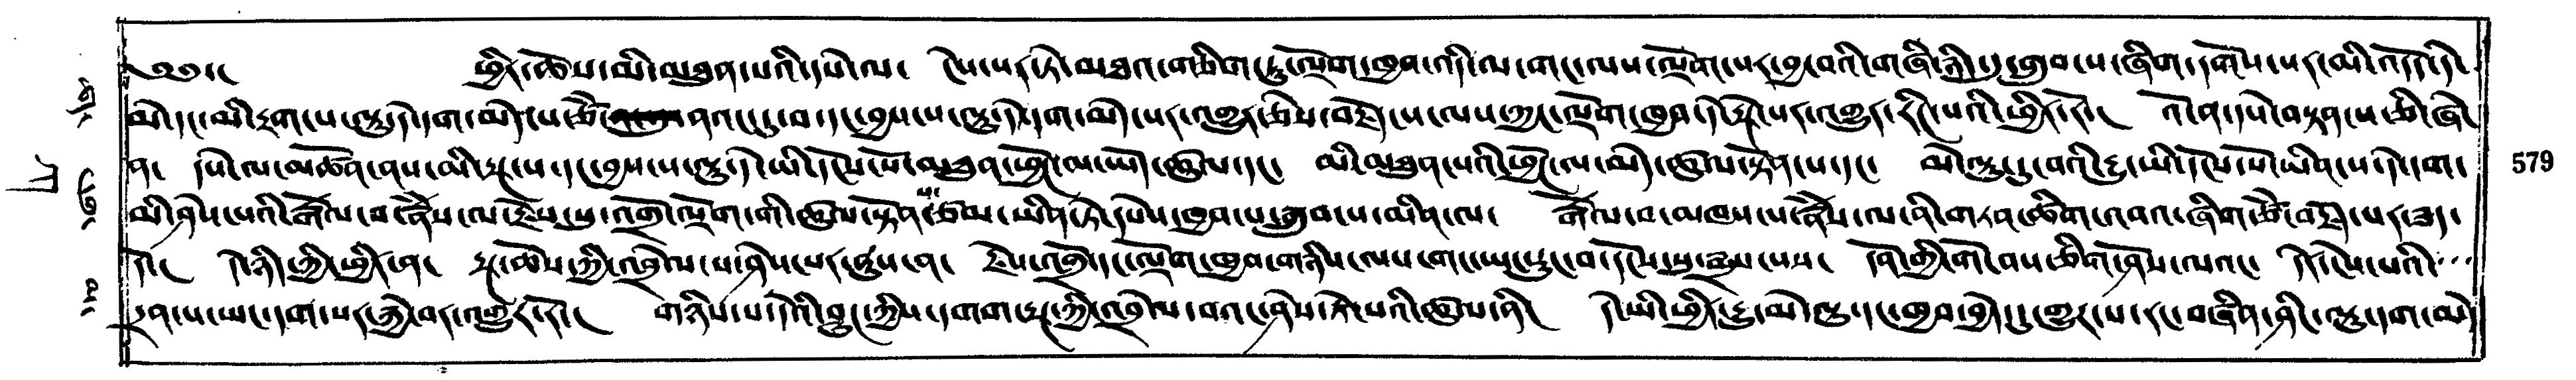ཕྱིར་ཆོས་མི་མཐུན་པའི་དཔེ་ལ། ངེས་པར་ཏེ་མཐའ་གཅིག་ཏུ་ལྡོག་ཁྱབ་འདི་ལ་གང་ལས་ལྡོག་པར་བྱ་བའི་གཞི་ཉིད་དུ་གྲུབ་པ་ཞིག་དགོས་པར་མི་འདོད་དེ། 
མེ་དང་མི་རྟག་པ་ལྟ་བུ་དེ་དག་མེད་པ་ཙམ་ནའང་དུ་བ་དང་བྱས་པ་ལྟ་བུ་དེ་དག་མེད་པར་འགྱུར་ཅེས་བརྗོད་པ་ལས་ཀྱང་ལྡོག་ཁྱབ་སྟེ་རྟོགས་པར་འགྱུར་རིགས་པའི་ཕྱིར་རོ།། འོ་ན་དཔེ་བསྟན་པ་ཅི་ཞེ་
ན། དཔེ་ལ་མཚོན་ནས་མི་རྟག་པ་དང་བྱས་པ་ལྟ་བུ་དེའི་དངོས་པོ་མཐུན་ཕྱོགས་ལ་ཡོད་ཚུལ་དང་། མི་མཐུན་པའི་ཕྱོགས་ལ་མེད་ཚུལ་སྟོན་པ་དང་། མེ་ལྟ་བུ་དུ་བའི་རྒྱུ་ཡི་དངོས་པོ་ཡིན་པ་དེ་དག་
མི་ཤེས་པའི་རྒོལ་བ་རྣམས་ལ་རྗེས་སུ་འགྲོ་ལྡོག་གི་ཚུལ་སྟོན་པ་ཙམ་ཡིན་ཏེ་དཔེས་ཁྱབ་པ་སྒྲུབ་པ་མིན་ལ། རྒོལ་བ་མཁས་པ་རྣམས་ལ་ནི་གཏན་ཚིགས་འབའ་ཞིག་ཙམ་བརྗོད་པར་ཟད་
དོ།། དེ་ཉིད་ཕྱིར་ན། རྟགས་ཆོས་ཀྱི་འབྲེལ་པ་ཤེས་པར་ནུས་ན། རྗེས་འགྲོ་དང་ལྡོག་ཁྱབ་གཉིས་ལས་གང་ཡང་རུང་བ་དངོས་སུ་སྨྲས་པས། དོན་གྱི་གོ་བས་ཅིག་ཤོས་ལའང་། དེར་ངེས་པའི་
དྲན་པ་ཡང་དག་པར་སྐྱེ་བར་འགྱུར་རོ།། གཉིས་པ་དེའི་ཤུགས་ཀྱིས་དགག་རྟགས་ཀྱི་འབྲེལ་བའང་ཤེས་པའི་ཚུལ་ནི། དེའི་ཕྱིར་རྒྱུ་མེ་ལྟ་བུ་དང་ཁྱབ་བྱེད་དུ་གྱུར་པ་རང་བཞིན་ཤིང་ལྟ་བུ་དག་མེད་